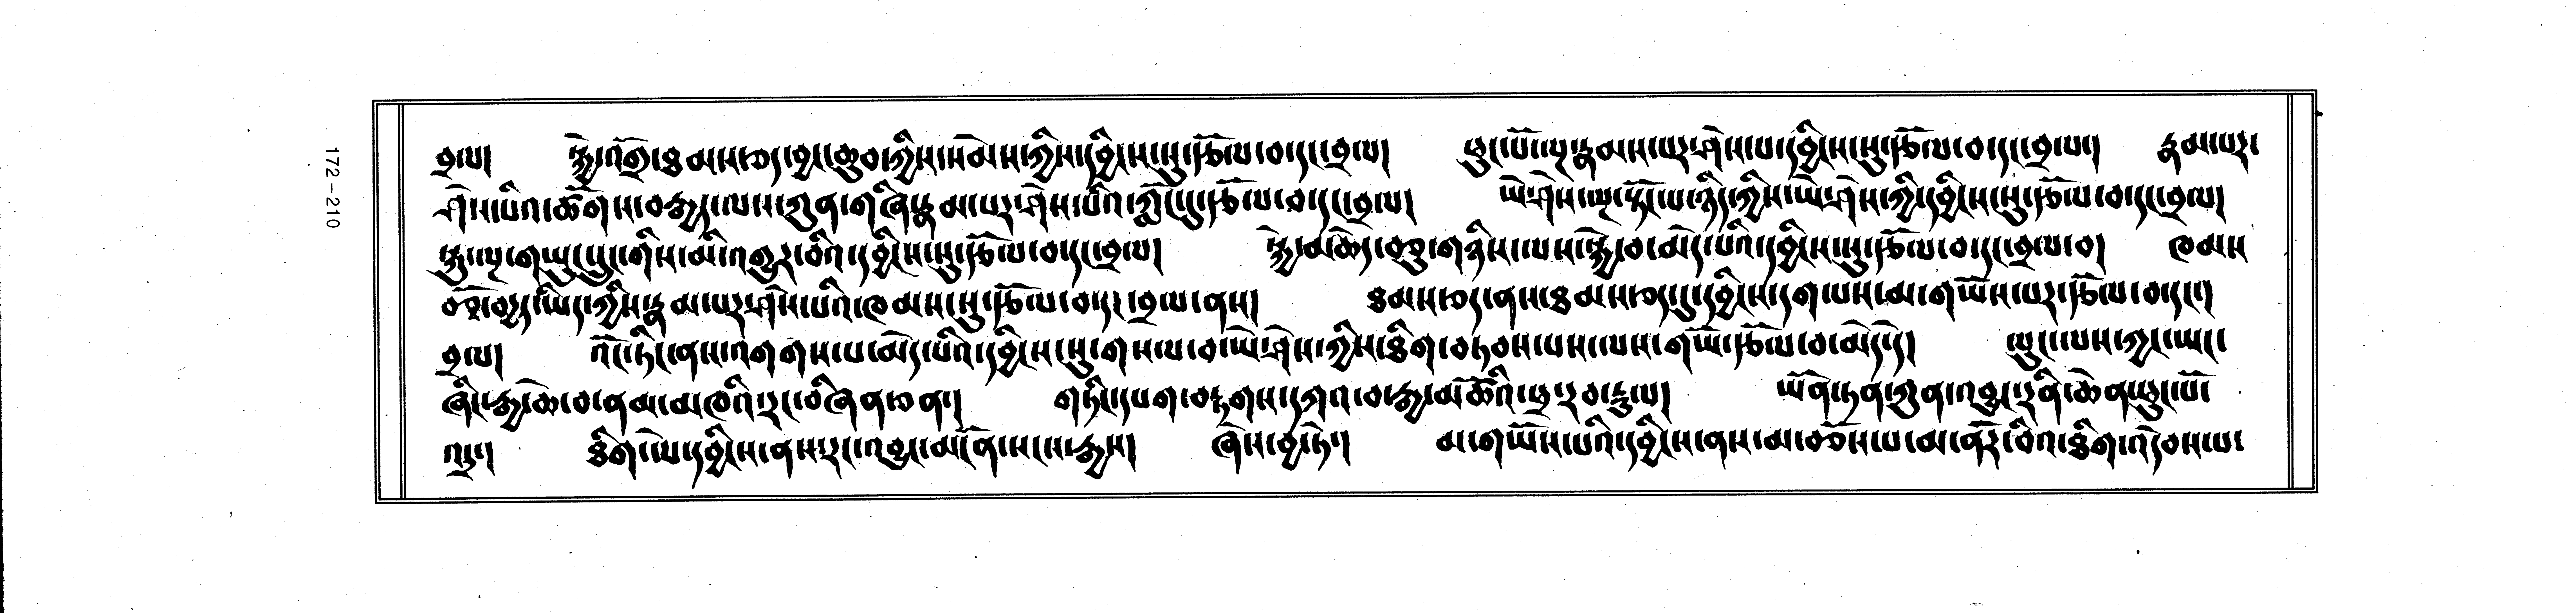བྲལ། སྐྱེ་འགྲོ་ཐམས་ཅད་བྱང་ཆུབ་ཀྱིས་སེམས་ཀྱིས་དབྱིངས་སུ་རྩོལ་བ་དང་བྲལ། ཕུང་པོ་ལྔ་རྣམ་པར་ཤེས་པ་དབྱིངས་སུ་རྩོལ་བ་དང་བྲལ། རྣམ་པར་
ཤེས་པའི་ཚོགས་བརྒྱད་ལས་ཀུན་གཞི་རྣམ་པར་ཤེས་པའི་ཀློང་དུ་རྩོལ་བ་དང་བྲལ། ཡེ་ཤེས་ལྔ་སྟོང་པ་ཉིད་ཀྱིས་ཡེ་ཤེས་ཀྱི་དབྱིངས་སུ་རྩོལ་བ་དང་བྲལ། 
སྐུ་ལྔ་གཡུང་དྲུང་གིས་མི་འགྱུར་བའི་དབྱིངས་སུ་རྩོལ་བ་དང་བྲལ། སྐྱེ་མཆེད་བཅུ་གཉིས་ལས་སྐྱེ་བ་མེད་པའི་དབྱིངས་སུ་རྩོལ་བ་དང་བྲལ་བ། ཁམས་
བཅྭོ་བརྒྱད་ཡིད་ཀྱིས་རྣམ་པར་ཤེས་པའི་ཁམས་སུ་རྩོལ་བ་དང་བྲལ་ནས། ཐམས་ཅད་ནས་ཐམས་ཅད་དུ་དབྱིངས་དག་པས་མ་གཡོས་པར་རྩོལ་བ་དང་
བྲལ། འོང་ཏིང་ནས་འགགས་པ་མེད་པའི་དབྱིངས་སུ་གསལ་བ་ཡེ་ཤེས་ཀྱིས་ཐིག་བཏབས་པ་ལས་གཡོ་རྩོལ་བ་མེད་དེ། ལུང་ལས་ཀྱང་ཡངས་
ཞིང་རྒྱ་ཆེ་བ་ནམ་མཁའི་རང་བཞིན་ཅན། གཏིང་དཔག་བརྟགས་དཀའ་བ་རྒྱ་མཚོའི་ཕྲ་རབ་རྡུལ། ཡོན་ཏན་ཀུན་འབྱུང་རིན་ཆེན་ཕུང་པོ་
འདྲ། ཐིག་ལེ་དབྱིངས་ནས་རང་འབྱུང་མངོན་སངས་རྒྱས། ཞེས་བྱ་བ་ཏེ། མ་གཡོས་པའི་དབྱིངས་ནས་མ་བཅོས་པ་མ་ནོར་བའི་ཐིག་འདེབས་པ་